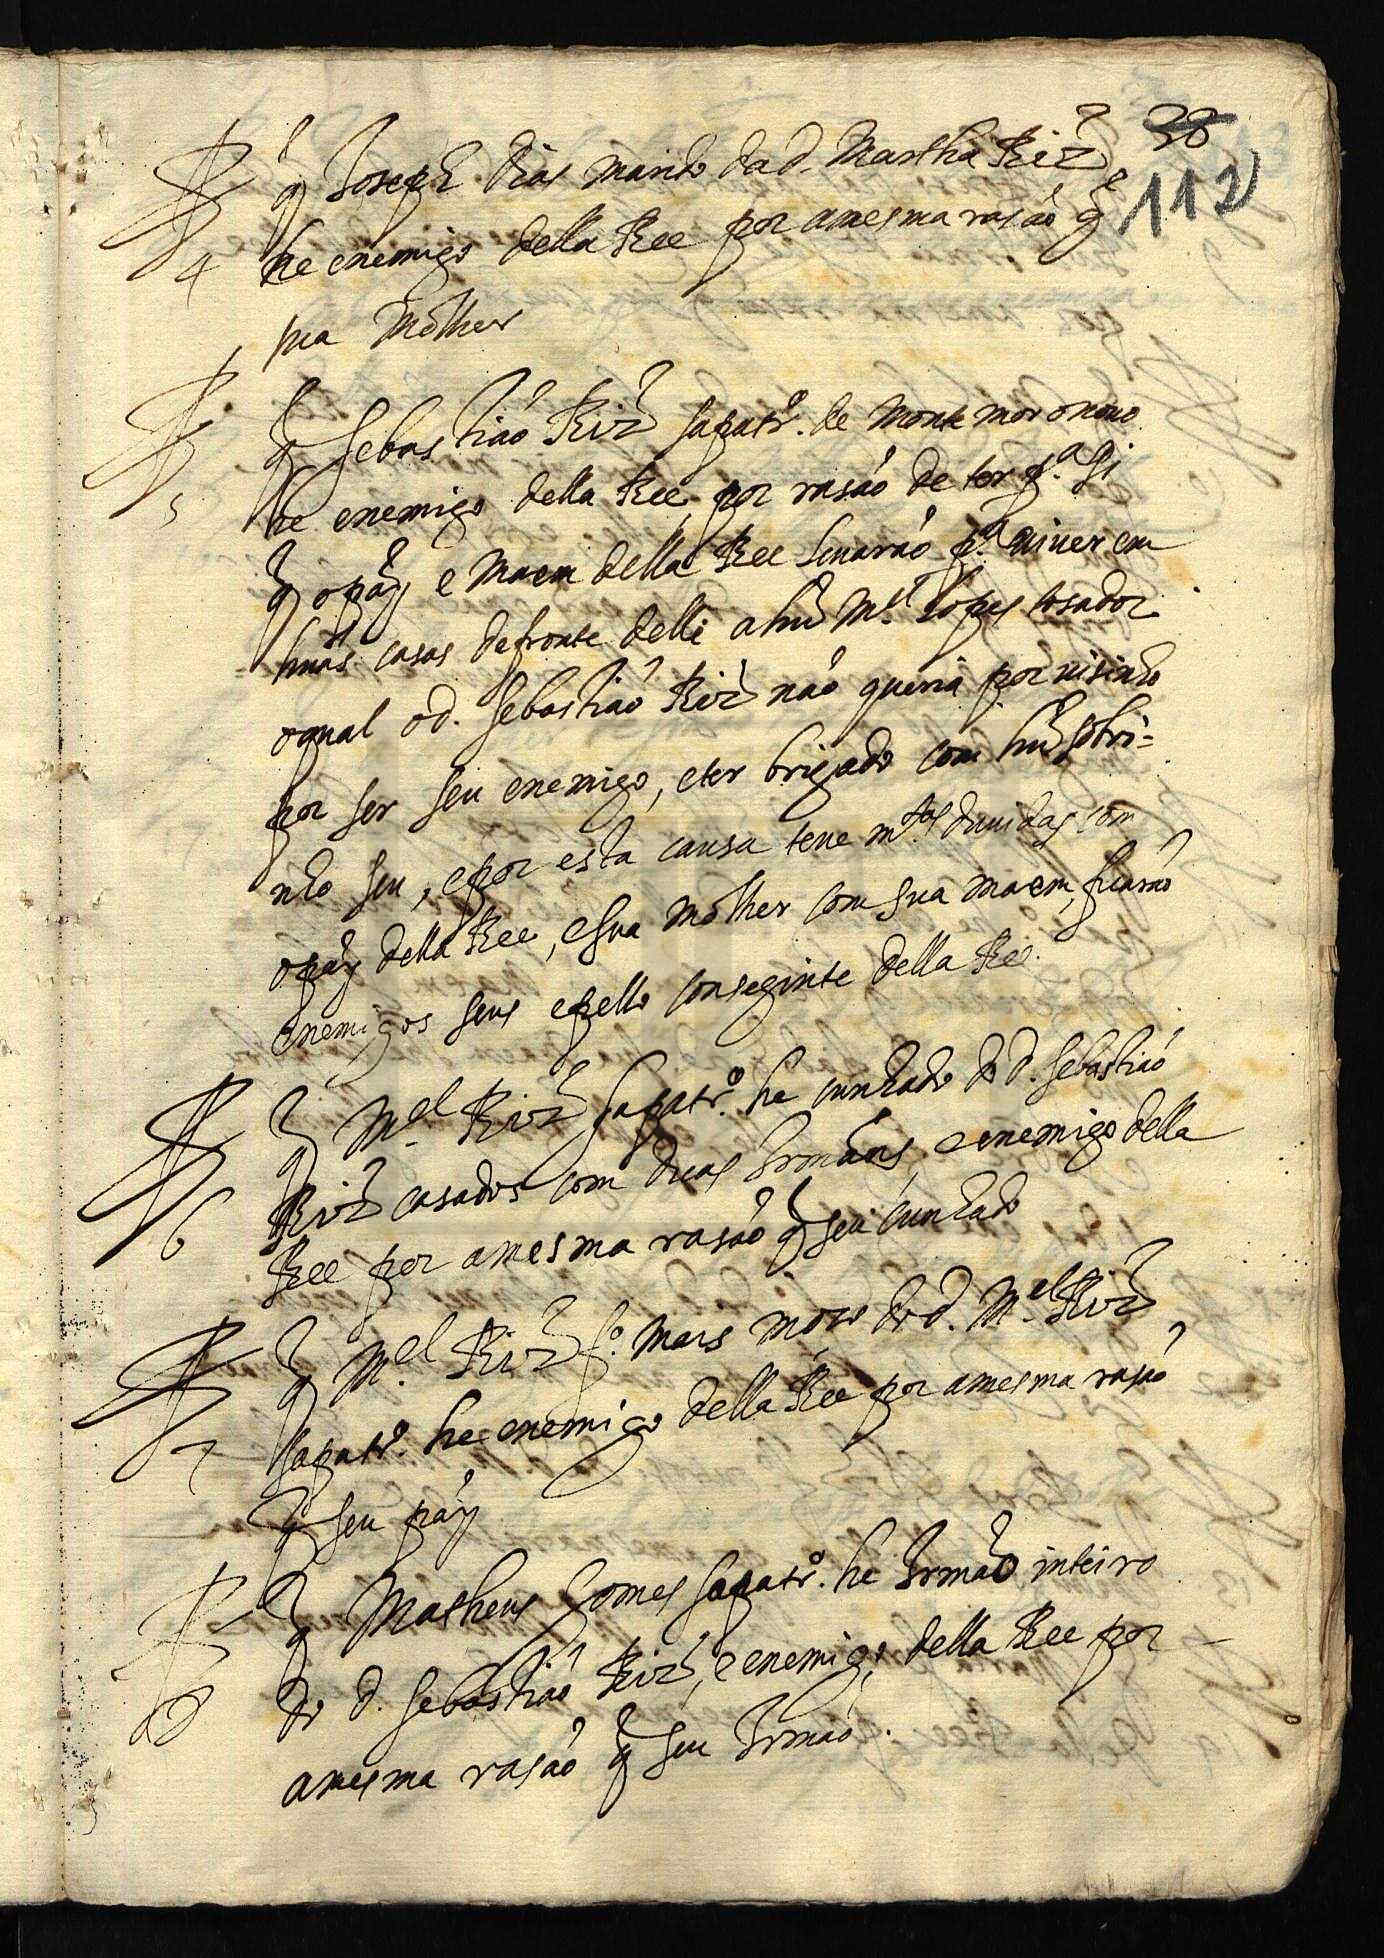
Ꝓ 4 q̄ Ioseph Dias marido da d. Martha Riz̄
he enimigo della Ree por a mesma rasaõ q̄
sua molher
Ꝓ 5 q̄ sebastiaõ Riz̄ sapatr.o de montemor o nouo
he enemigo della Ree, por rasaõ de ter ꝑ.a si
q̄ o pay e maem della Ree leuaraõ ꝑ.a uiuer em
huās casas defronte delle a hū m.el lopes tosador
o qual o d. sebastiaõ Riz̄ naõ queria por uisinho
por ser seu enemigo, e ter brigado com hū sobri
nho seu, e por esta causa teue m.tas duuidas com
o pay della Ree, e sua molher com sua maem, ficaraõ
enemigos seus e pello conseginte della Ree.
Ꝓ 6 q̄ M.el Riz̄ Sapatr.o he cunhado do d. sebastiaõ
Riz̄ casados com duas Irman̄s, e enemigo della
Ree por a mesma rasaõ q̄ seu cunhado
Ꝓ 7 q̄ M.el Riz̄ f.o mais moso do d. M.el Riz̄
sapatr.o he enemigo della Ree por a mesma rasaõ
q̄ seu pay
Ꝓ 8 q̄ Matheus Gomes sapatr.o he Irmaõ inteiro
do d. sebastiaõ Riz̄, e enemigo della Ree por
a mesma rasaõ q̄ seu Irmaõ.
